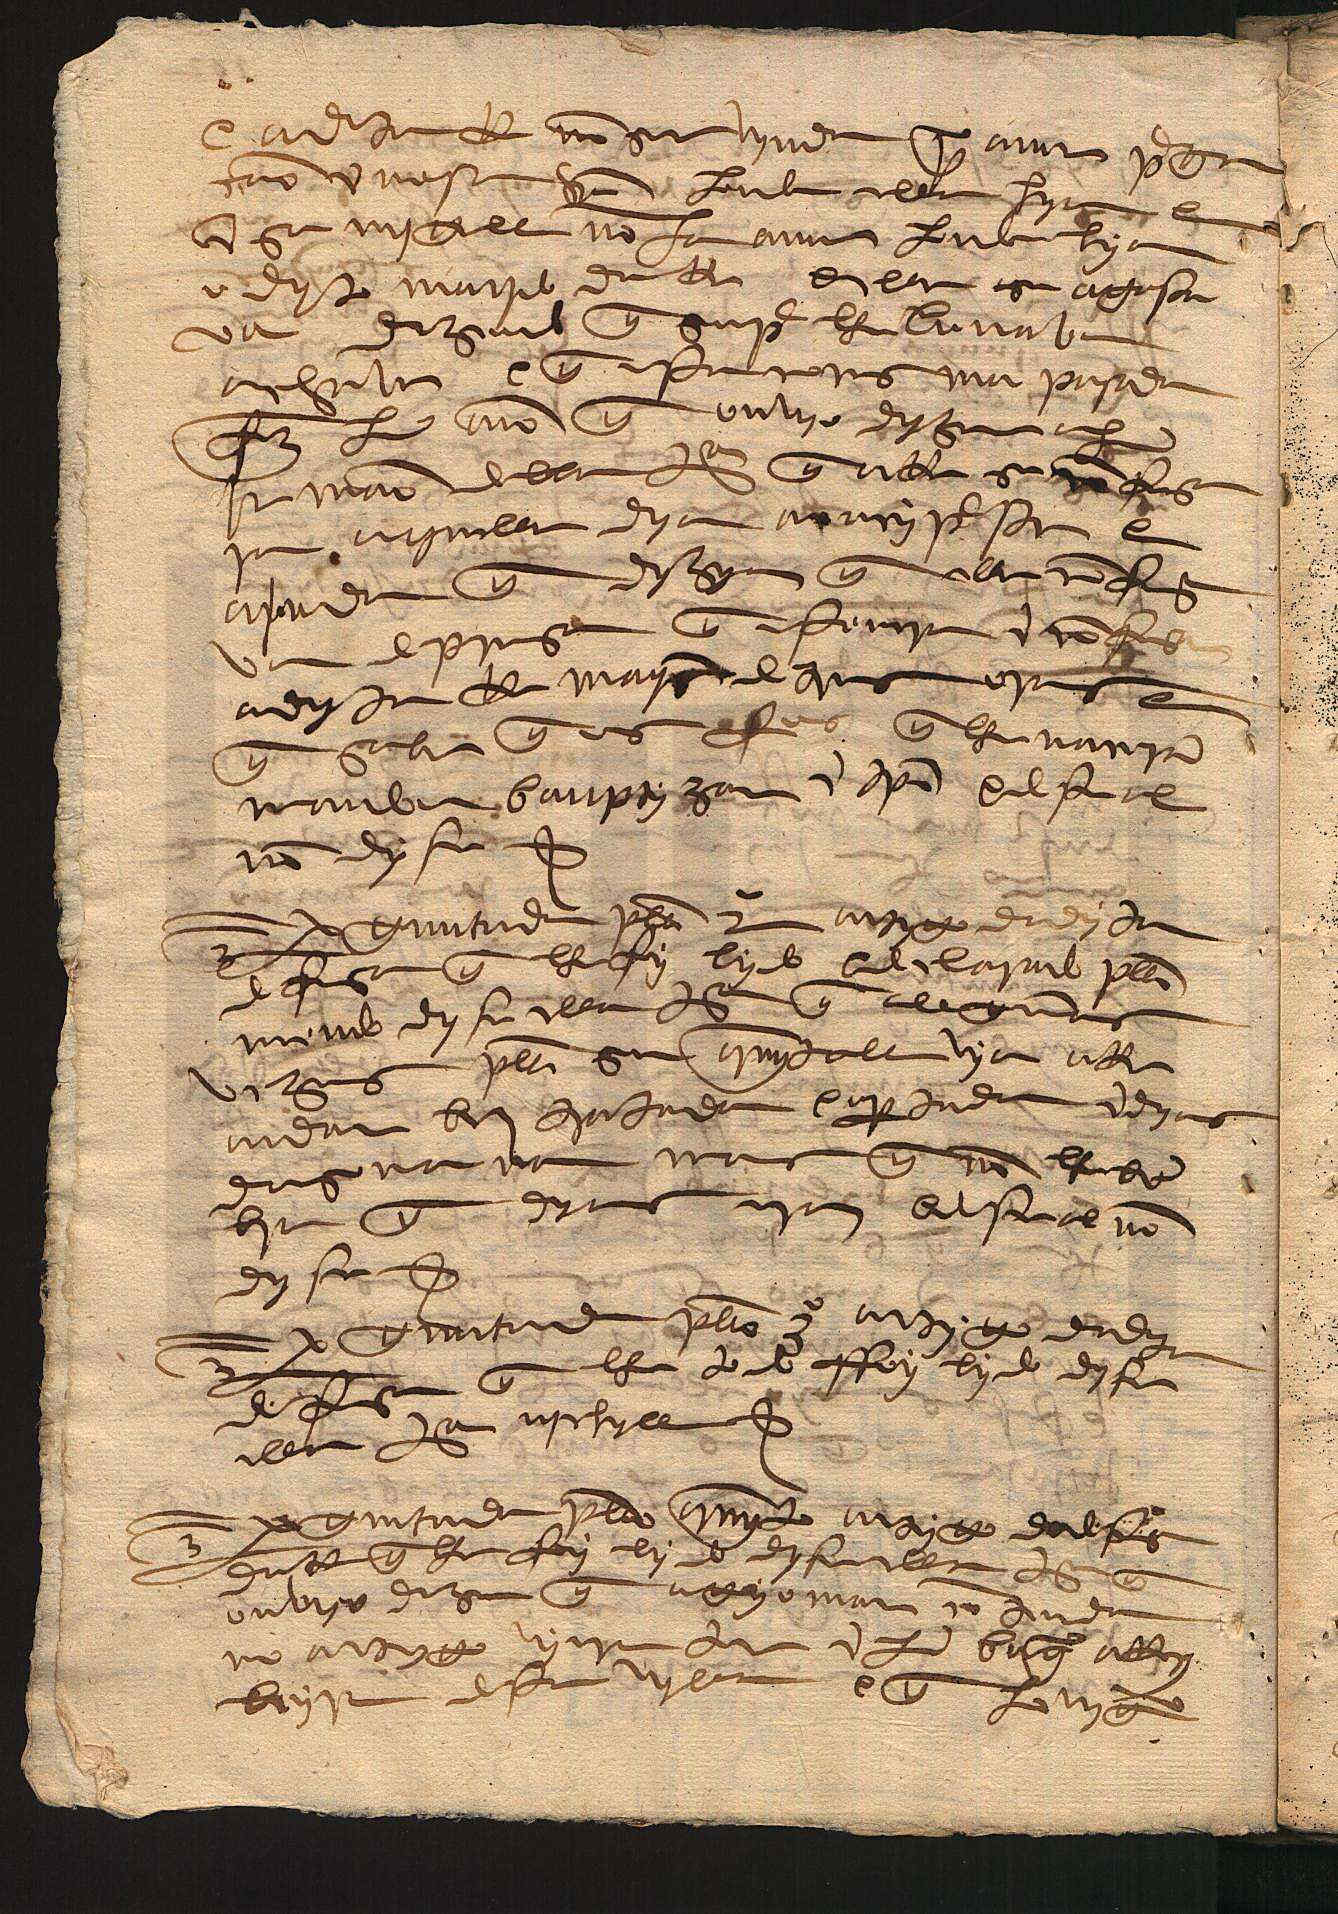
e a dita Re n̄o ser vynda p̄o auer p̄ga
cão ē nosa Sr̄a honde ella hya e
ē samjgell n̄o ha auer honde hya
o dyto marjdo da Re e elle se agasta
va dizendo q̄ senp̄ lhe leuava
a chave e q̄ esta coresma pasada
fez hū āno q̄ ouvyo dyzer a hū
Jrmão della tsa q̄ a Re se c̄ofesa
ra aquelle dya ao acyp̄ste e
aJnda q̄ dyzya q̄ ella c̄ofesa
va depresa q̄ esteuera ē c̄ofesam
a dyta Re mays de tres oras e
q̄ sabe q̄ os fos q̄ lhe nacerā
mandou bauptyzar ē tp̄o e deste al
nō dyse
item ꝑguntada p̄lo 2o artygo da dyta
defesa q̄ lhe foy lydo e declarado pl̄lo
meudo dyse ella tsa q̄ allgūas
vezes p̄llo seu q̄ujtall vya a Re
andar bem tratada e aꝑtada ē dyas
da somana mas q̄ n̄o lhe lē
bra q̄ dyas eram e deste al n̄o
dyse
item ꝑguntada p̄llo 3o artygo da dita
defesa q̄ lhe todo ffoy lydo dyse
ella tsa njchyll
item ꝑguntada p̄llo q̄uyto artygo da defesa
da Re q̄ lhe foy lydo dyse ella tsa q̄
ouvyo dizer q̄ a gyomar cōteuda
no artygo vyera ter ē hū barq̄o a Ry
beyra desta vylla e q̄ ho vygro
